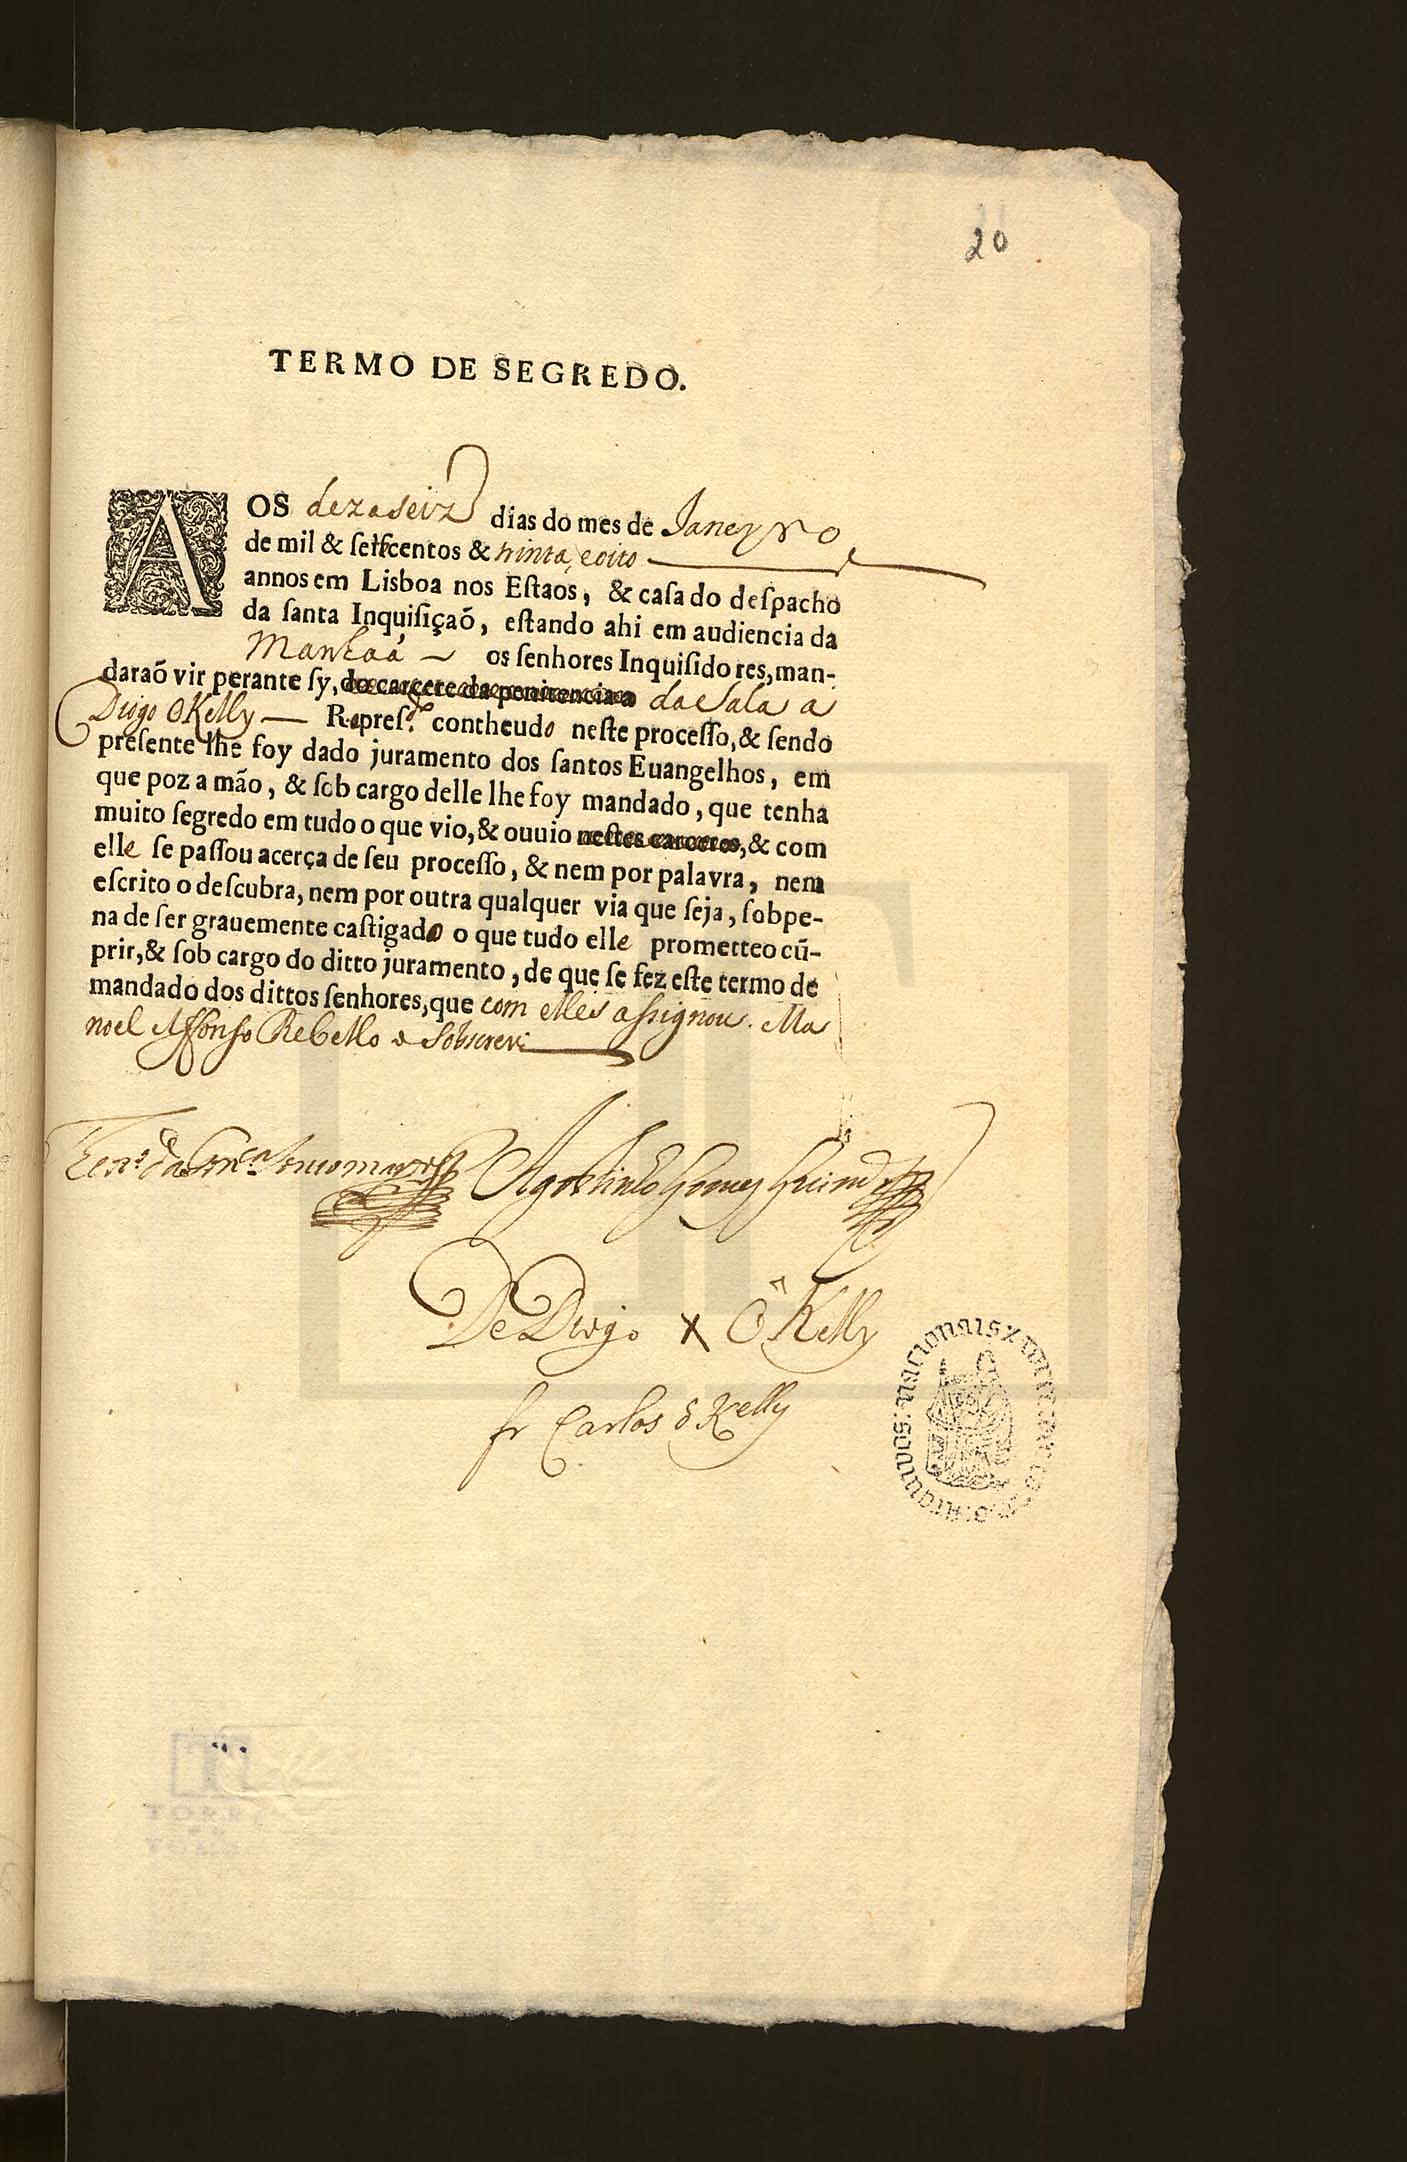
TERMO DE SEGREDO.
AOS dezaseis dias do mes de Janeyro
de mil & setecentos & trinta, e oito
annos em Lisboa nos Estaos, & casa do despacho
da santa Inquisiçaõ, estando ahi em audiencia da
Menhaā
os senhores Inquisidores, man
daraõ vir perante sy, do carcere da penitencia a da Sala a
Diogo OKelly
R. apres.do contheudo neste processo, & sendo
presente lhe foy dado juramento dos santos Euangelhos, em
que poz a mão, & sob cargo delle lhe foy mandado, que tenha
muito segredo em tudo o que vio, & ouuio nestes carceres, & com
elle se passou acerca de seu processo, & nem por palavra, nem
escrito o descubra, nem por outra qualquer via que seja, sob pe
na de ser grauemente castigado o que tudo elle prometteo cū
prir, & sob cargo do ditto juramento, de que se fez este termo de
mandado dos dittos senhores, que com elles assignou. Ma
noel Affonso Rebello o sobscrevi
Thot.o da Fon.ca Soutomayor
Agostinho Fomes Guim
De Diogo X OKelly
fr Carlos óKelly
